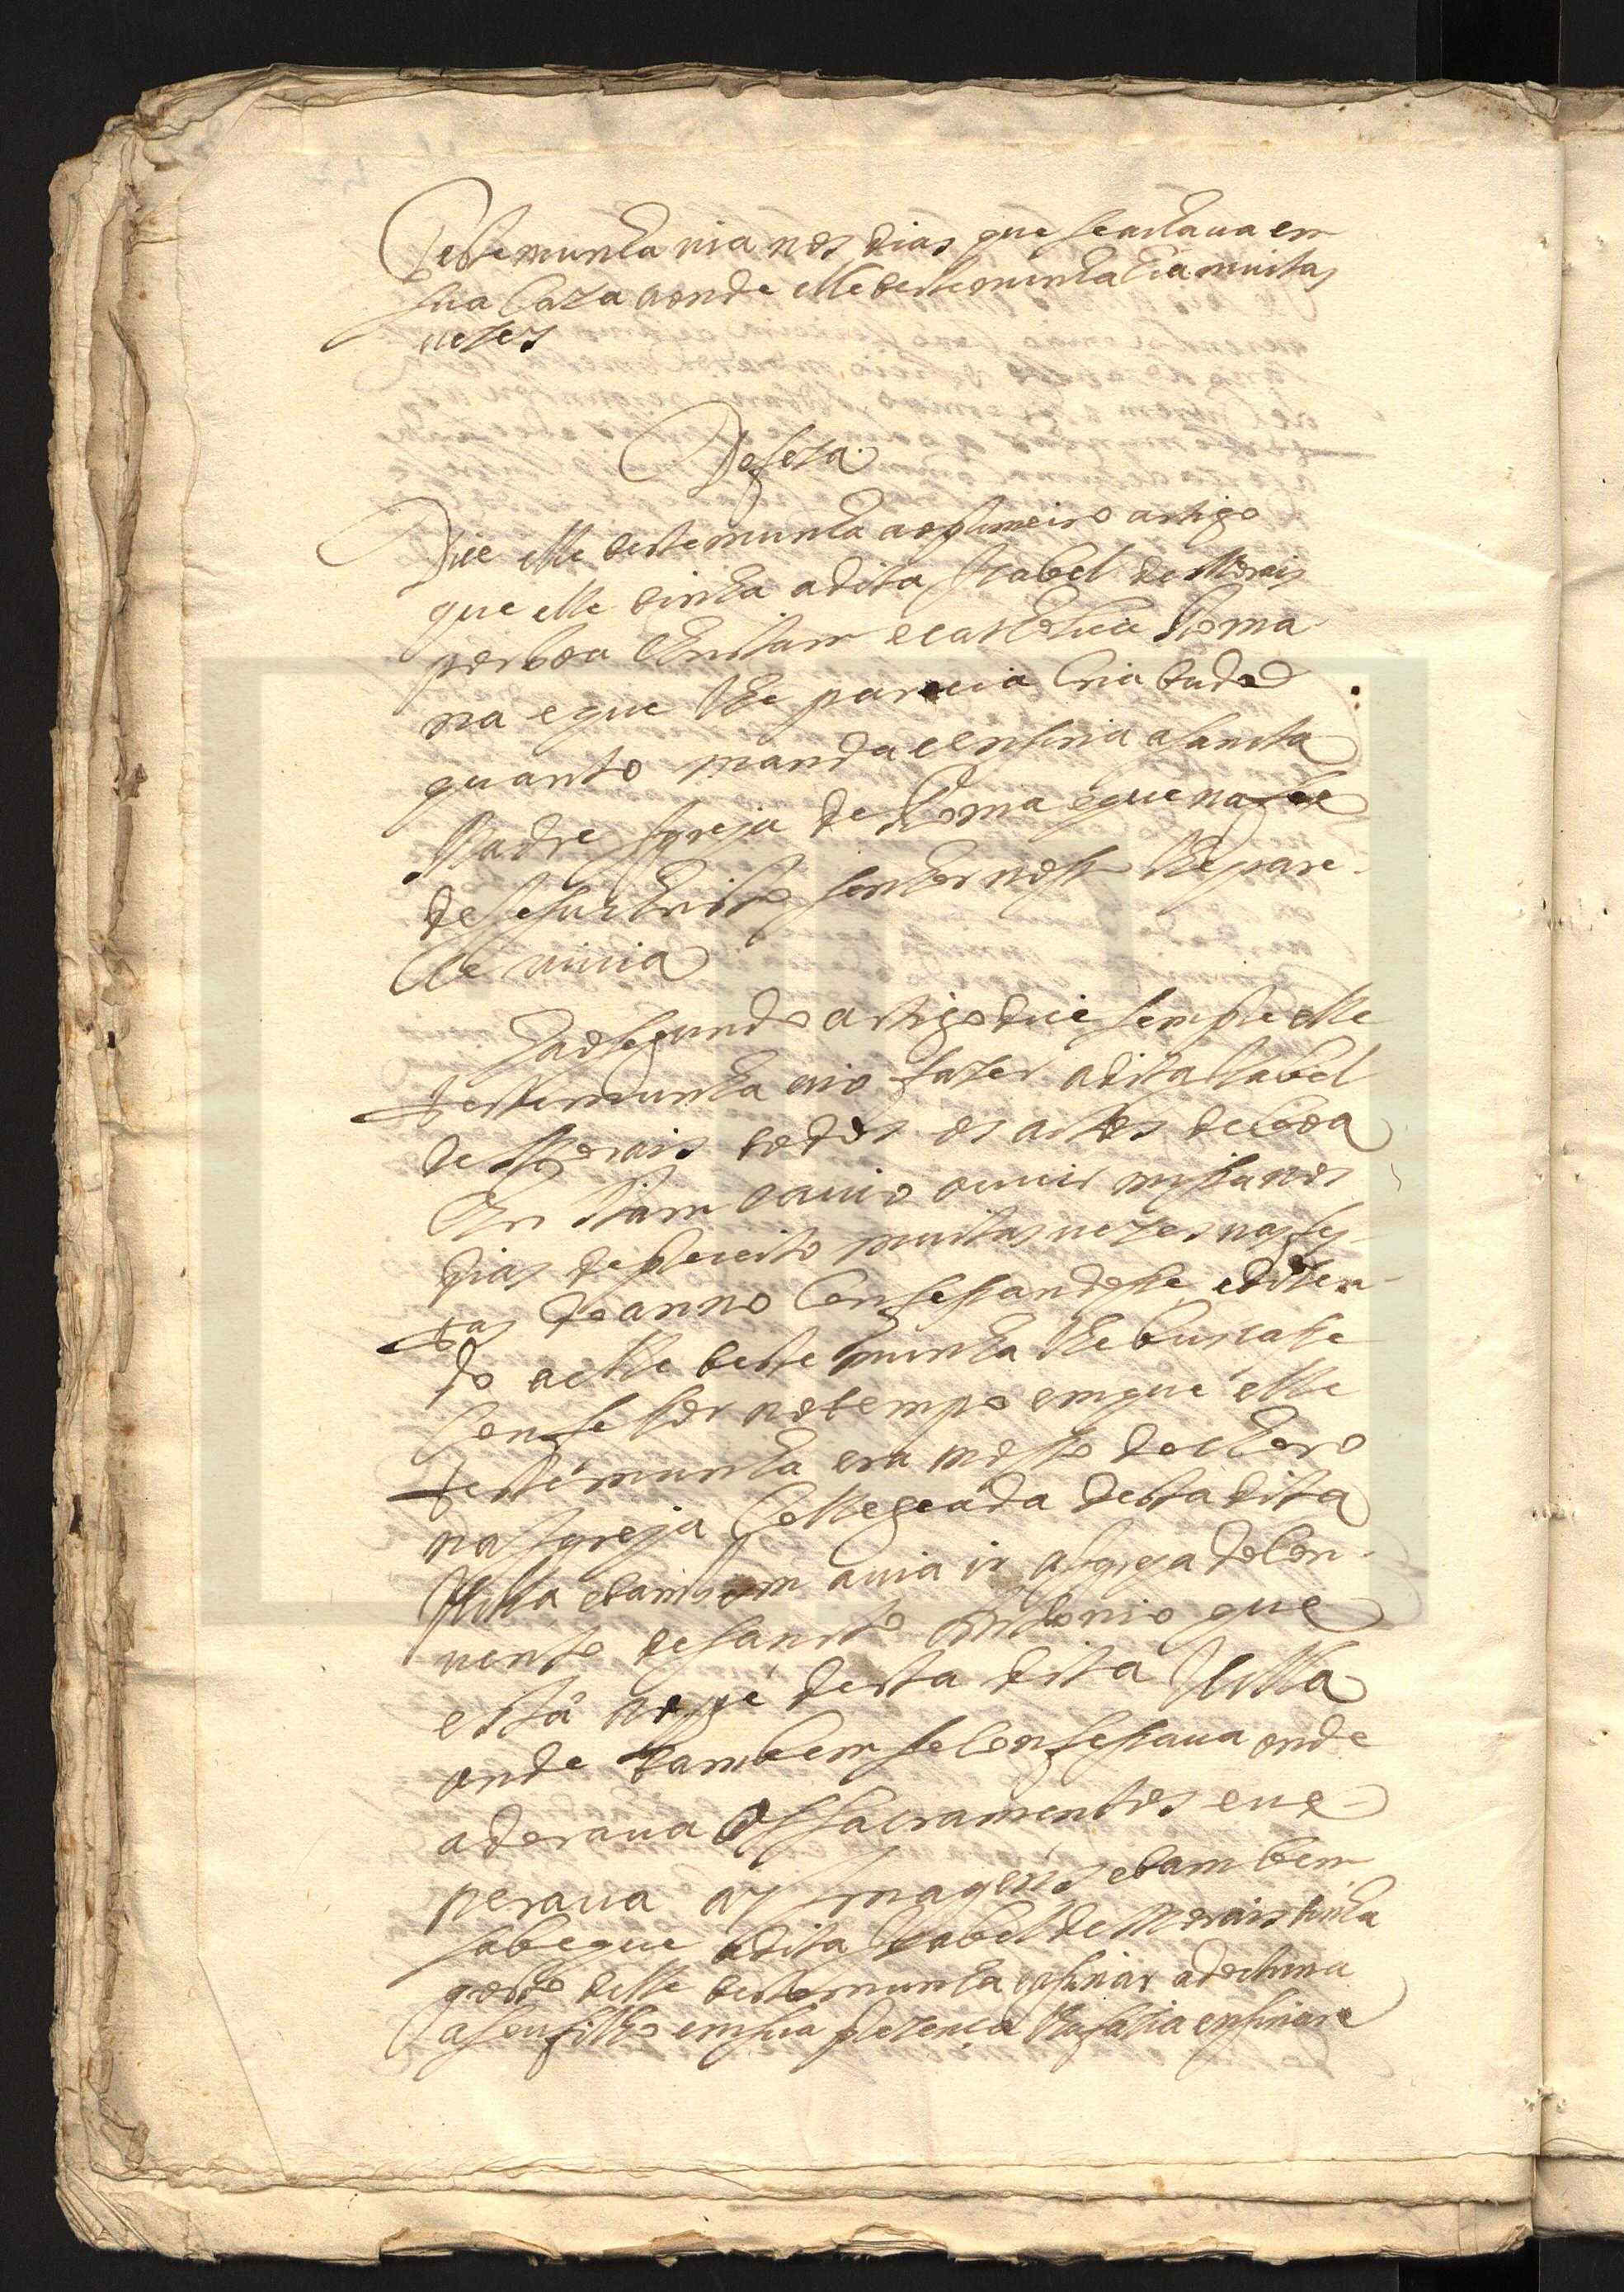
Testemunha uia nos dias que se achaua em
sua Caza aonde elle testemunha hia muitas
uezes
Defeza
Dice elle testemunha ao primeiro artigo
que elle tinha a dita Jzabel de Morais
por boa christam e catholica Roma
na e que lhe parecia Cria tudo
quanto manda e ensina a santa
Madre Jgreja de Roma que na fee
de Jesu christo senhor nosso lhe pare
ce uiuia
E ao segundo artigo dice sempre elle
testemunha uio fazer a dita Jzabel
de Morais todos os actos de boa
Christam e a uio ouuir missa nos
dias de preceito muitas uezes nas fes
tas do anno Confessandosse, e diZen
do a elle testemunha lhe buscasse
confesor no tempo em que elle
testemunha era mosso do choro
na Jgreja Collegeada desta dita
Villa e tambem a uia ir a Jgreja do Con
uento de santo Antonio que
está no pé desta dita Villa
onde tambem se confessaua onde
adoraua os sacramentos e ue
neraua as Jmagens e tambem
sabe que a dita Izabel de Morais tinha
gosto delle testemunha enssinar a doctrina
a seu filho em sua prezença lha fazia ensinar e
